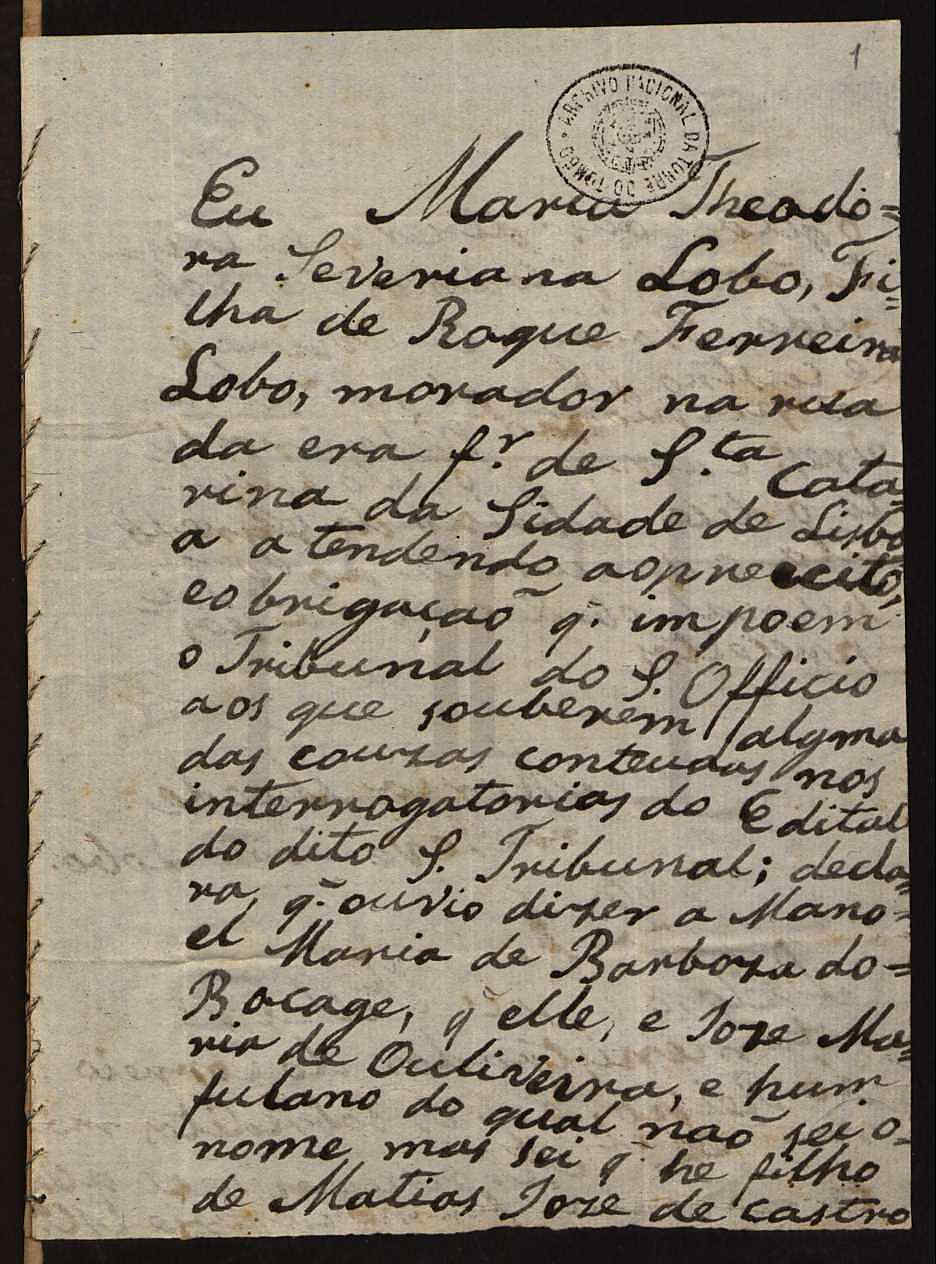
Eu Maria Theodo
ra Severiana Lobo, fi
lha de Roque Ferreira
Lobo, moradora na rua
da era, fr. de S.ta Catha
rina, da sidade de Lisbo
a, atendendo ao preceito,
e obrigaçaõ q̄ impoem
o Tribunal do S. Officio
aos que souberem alguma
das couzas conteudas nos
interrogatorios do Edital
do dito S. Tribunal; decla
ra q̄ ouvio dizer a Mano
el Maria de Barboza do
Bocage, q̄ elle, e Joze Ma
ria de Oliveira, e hum
fulano do qual naõ sei o
nome mas sei q̄ é filho
de Matias Joze de Castro
